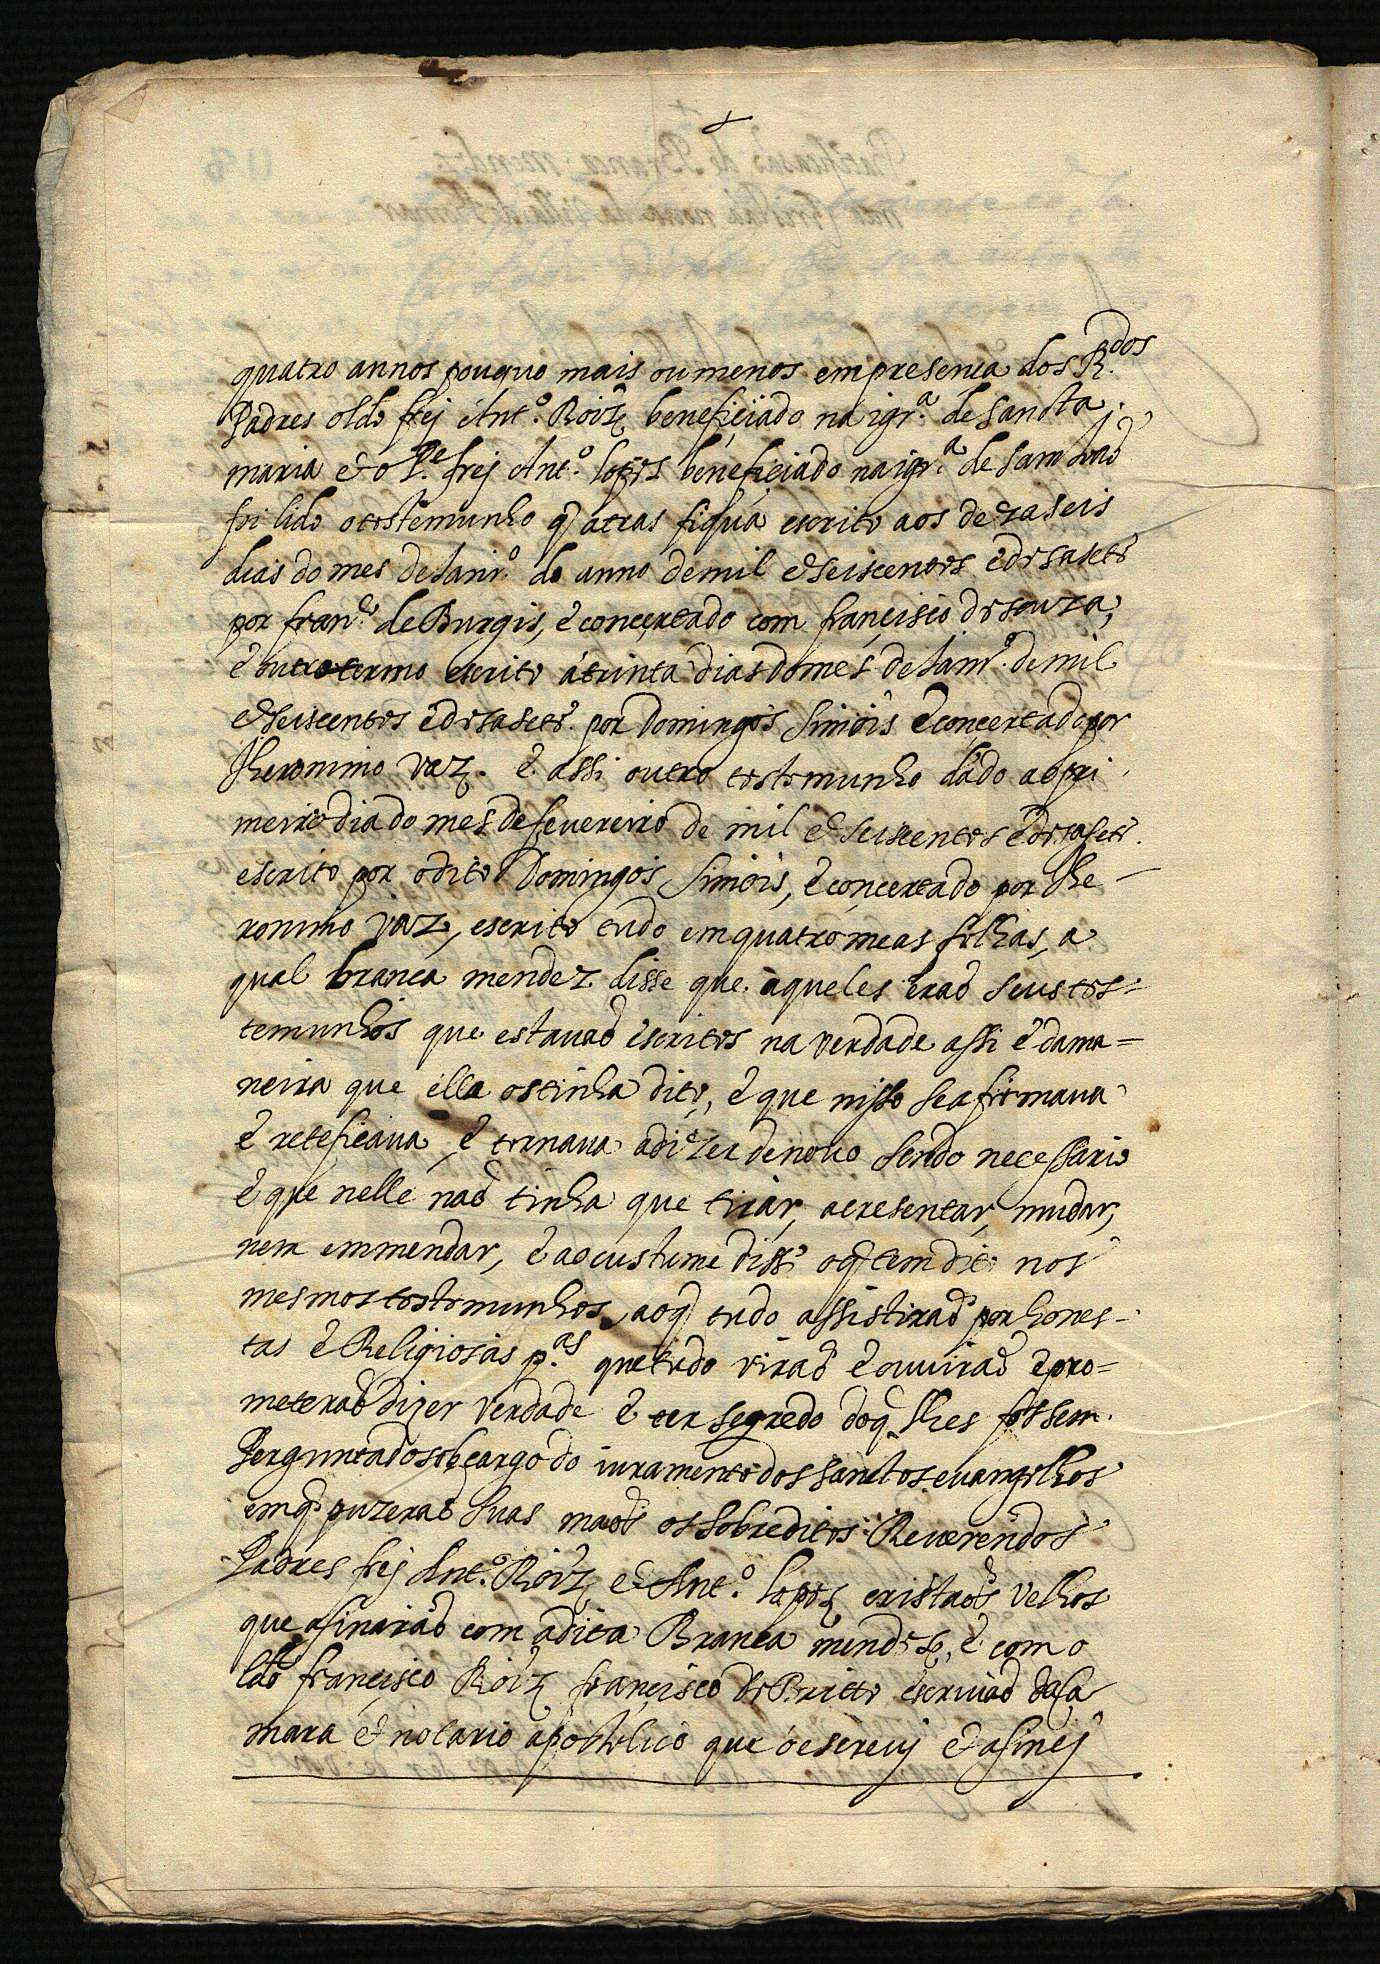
quatro annos pouquo mais ou menos em presença dos Rdos
Padres o ldo frej Ant.o Roiz beneficiado na igr.a de Sancta
maria, e o P.e frej Ant.o lopes beneficiado na igr.a de sam Ioaō
foi lido o testemunho q̄ atras fiqua escrito aos dezaseis
dias do mes de Janr.o do anno de mil e seiscentos e desaseis
por fran.co de Burgis, e concertado com francisco de souza,
e outro termo escrito à trinta dias do mes de Janr.o de mil
e seiscentos e desaseis. por Domingos Simois e concertado por
Jheronimo vaz. E assi outro testemunho dādo ao pri
meiro dia do mes de feuereiro de mil e seiscentos e desaseis
escrito por o dito Domingos Simois, e concertado por Jhe
ronimo vaz, escrito tudo em quatro meas folhas, a
qual branca mendez disse que aqueles eraõ seus tes
temunhos que estauaõ escritos na verdade assi e da ma
neira que ella os tinha dito, e que nisso se afirmaua
e reteficaua, e tornaua a dizer de nouo sendo necessario
e que nelle naõ tinha que tirar, acresentar, mudar,
nem emmendar, e ao custume disse o q̄ tem dito nos
mesmos testemunhos, ao q̄ tudo assistiraõ por hones
tas, e Religiosas p.as que tudo viraõ e ouuiraõ e pro
meteraõ dizer verdade e ter segredo do q̄ lhes fossem
Perguntado sob cargo do iuramento dos sanctos euangelhos
em q̄ puzeraõ suas maõs os sobreditos Reuerendos
Padres frej Ant.o Roīz e Ant.o lopez cristaõs velhos
que asinaraõ com a dita Branca mendez, e com o
ldo francisco Roīz francisco de Britto escriuaõ da Ca
mara & notario apostolico que o escreuj & asinej
